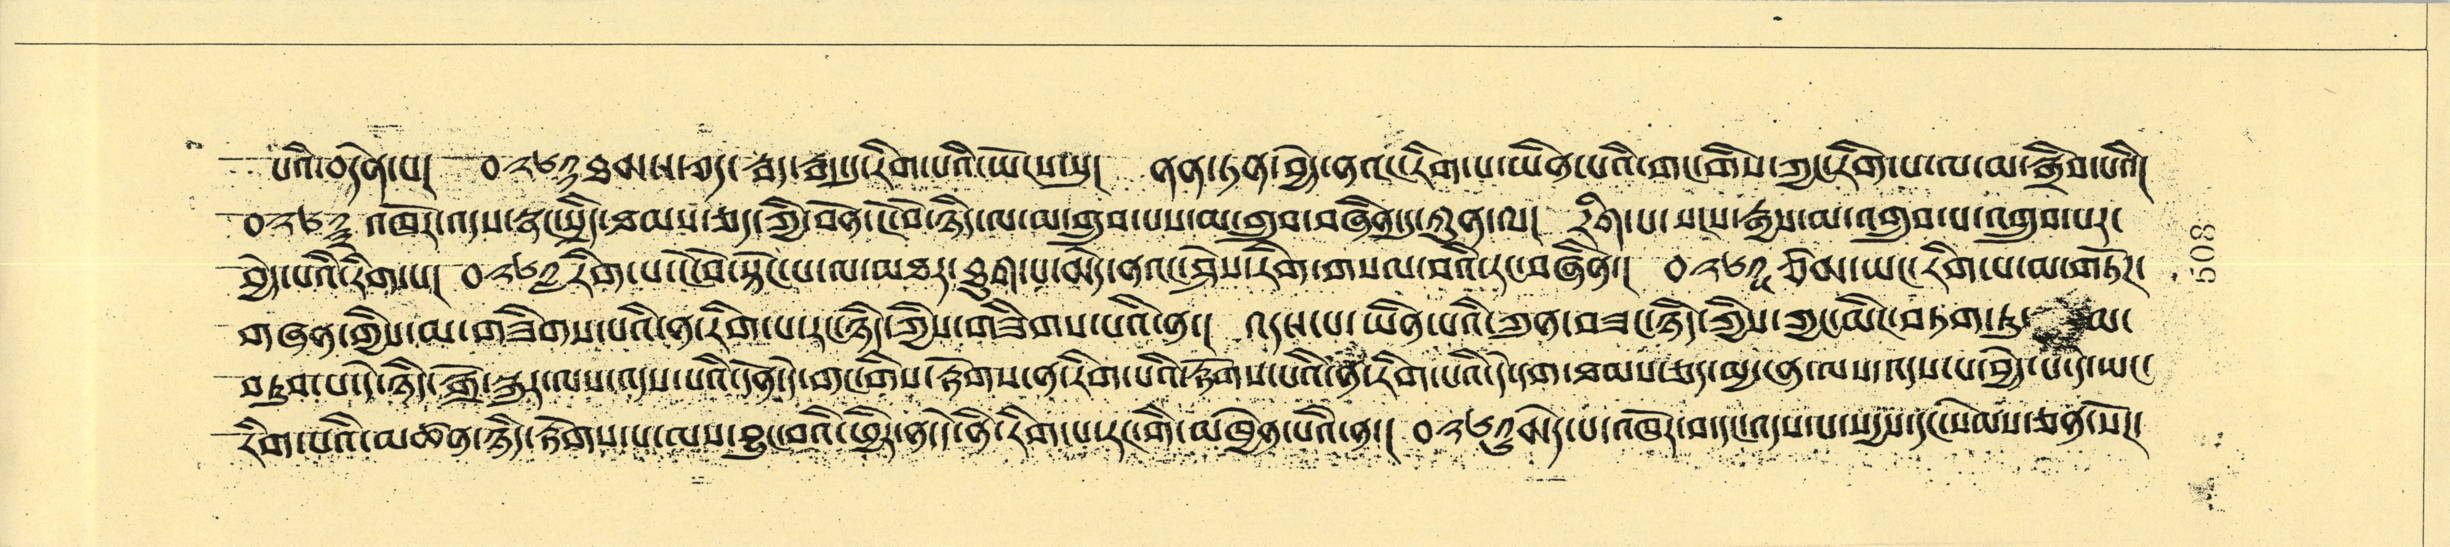པའི་བདེན་པ་ བ༢༦༡།༡ཐམས་ཅད་རྦད་རྦད་དུ་རིག་པའི་ཡོངས་སུ་༼ནན་ཏན་༽བྱེད་ནའང་རིག་པ་ཡིན་པས་གང་གིས་ཀྱང་རིག་པ་ལ་མ་སྒྲིབ་པའི་
བ༢༦༡།༣ འཁོར་འདས་སྣང་སྲིད་ཐམས་ཅད་ཀྱི་བོན་ངོ་བོ་ཉིད་ལ་མ་གྲུབ་པས་པ་མ་གྲུབ་བཞིན་དུ་༼ཀུན་ལ༽༼རིག་པ༽སངས་རྒྱས་མ་འགྲུབ་པ་འགྲུབ་པར་
བྱེད་པའི་རིག་པ་ བ༢༦༡།༤རིག་པ་ངོ་བོ་སྟོང་པ་ལ་མཐར་༼ཐུག་པ་མེད༽ནའང་ཤེས་རིག་གསལ་བའི་རང་བཞིན་ བ༢༦༡།༥༼ཙམ་ཡང༽རིག་པ་མ་གཏོགས་
གཞན་གྱིས་མ་གཟིགས་པས་ན་རིག་པ་རང་ཉིད་ཀྱིས་གཟིགས་པས་ན། ༼འདས་པ༽ཡིན་པས་ཀུན་བཟང་ཉིད་ཀྱིས་ཀྱང་མིང་བཏགས་ཏུ་མ་
བཏུབ་པ་དེ་ཉིད་སྒྲོ་སྐུར་ལས་འདས་པའི་དོན་དེ་གང་གིས་རྟོགས་ན་རིག་པས་རྟོགས་པས་ན་རིག་པ་དེ་དག་ཐམས་ཅད་མྱ་ངན་ལས་འདས་པ་བྱེད་པ་དེ་ཡང་
རིག་པའི་མཚན་ཉིད་རྟོགས་པ་ལས་བྱུང་བའི་ཕྱིར་ན་དེ་ནི་རིག་པ་རང་གི་མཁྱེན་པས་ན་བ༢༦༡།༦༼མེད་པ༽འཁོར་བ་དང་འདས་པ་སངས་རྒྱས་དང་སེམས་ཅན་སོགས་